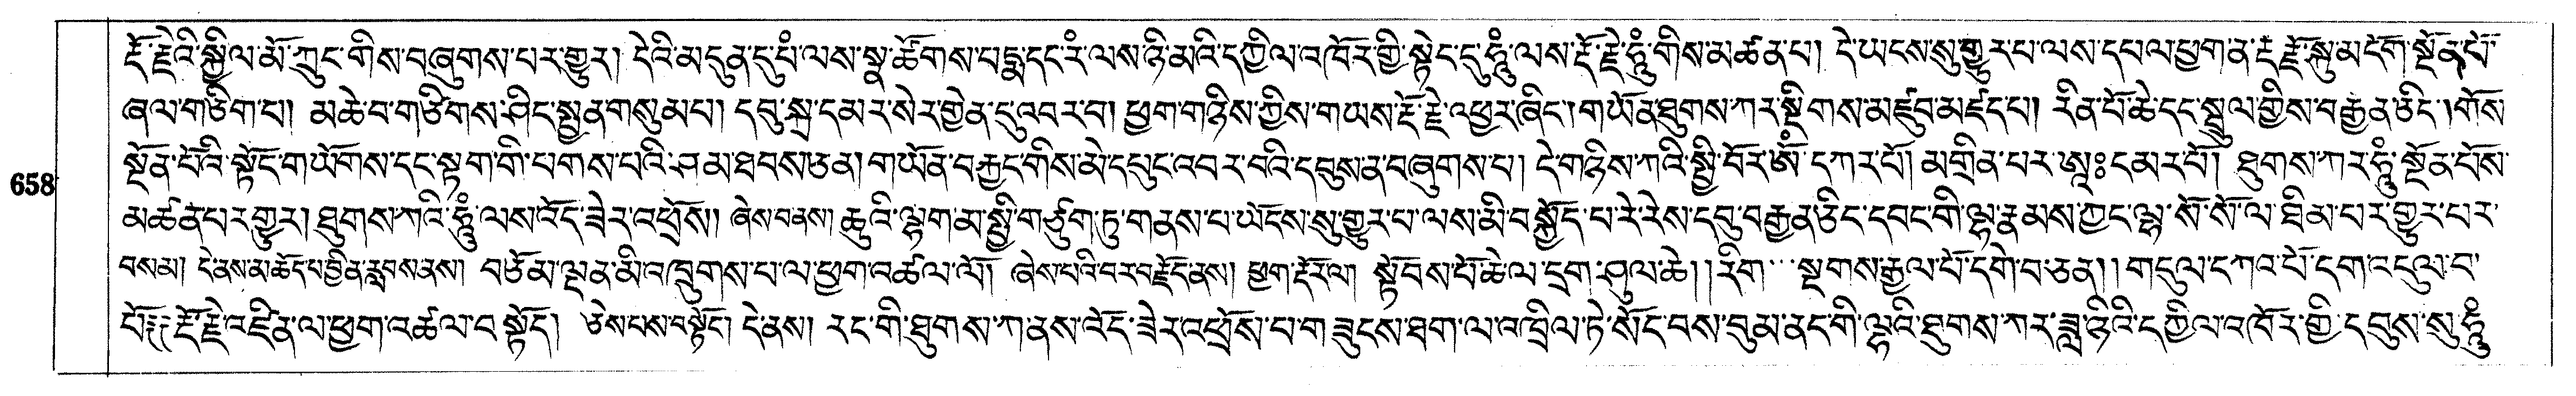རྡོ་རྗེའི་སྐྱིལ་མོ་ཀྲུང་གིས་བཞུགས་པར་གྱུར། དེའི་མདུན་དུ་པཾ་ལས་སྣ་ཚོགས་པདམ་དང་རཾ་ལས་ཉི་མའི་དཀྱིལ་འཁོར་གྱི་སྟེང་དུ་ཧཱུཾ་ལས་རྡོ་རྗེ་ཧཱུཾ་གིས་མཚན་པ། དེ་ཡོངས་སུ་གྱུར་པ་ལས་དཔལ་ཕྱག་ན་རྡོ་རྗེ་སྐུ་མདོག་སྔོན་པོ་
ཞལ་གཅིག་པ། མཆེ་བ་གཙིགས་ཤིང་སྤྱན་གསུམ་པ། དབུ་སྐྲ་དམར་སེར་གྱེན་དུ་འབར་བ། ཕྱག་གཉིས་ཀྱིས་གཡས་རྡོ་རྗེ་འཕྱར་ཞིང་། གཡོན་ཐུགས་ཀར་སྡིགས་མཛུབ་མཛད་པ། རིན་པོ་ཆེ་དང་སྦྲུལ་གྱིས་བརྒྱན་ཅིང་། གོས་
སྔོན་པོའི་སྟོང་གཡོགས་དང་སྟག་གི་པགས་པའི་ཤམ་ཐབས་ཅན། གཡོན་བརྐྱང་གིས་མེ་དཔུང་འབར་བའི་དབུས་ན་བཞུགས་པ། དེ་གཉིས་ཀའི་སྤྱི་བོར་ཨོཾ་དཀར་པོ། མགྲིན་པར་ཨཱཿ དམར་པོ། ཐུགས་ཀར་ཧཱུཾ་སྔོན་པོས་
མཚན་པར་གྱུར། ཐུགས་ཀའི་ཧཱུཾ་ལས་འོད་ཟེར་འཕྲོས། ཞེས་པ་ནས།  ཆུའི་ལྷག་མ་སྤྱི་གཙུག་ཏུ་གནས་པ་ཡོངས་སུ་གྱུར་པ་ལས་མི་བསྐྱོད་པ་རེ་རེས་དབུ་བརྒྱན་ཅིང་དབང་གི་ལྷ་རྣམས་ཀྱང་ལྷ་སོ་སོ་ལ་ཐིམ་པར་གྱུར་པར་
བསམ། དེ་ནས་མཆོད་པ་བྱིན་རླབས་ནས།  བཅོམ་ལྡན་མི་འཁྲུགས་པ་ལ་ཕྱག་འཚལ་ལོ། ཞེས་པའི་བར་བརྗོད་ནས། ཕྱག་རྡོར་ལ། ་སྟོབས་པོ་ཆེ་ལ་དྲག་ཤུལ་ཆེ། །རིག་སྔགས་རྒྱལ་པོ་དགེ་བ་ཅན། །གདུལ་དཀའ་པོ་དག་འདུལ་བ་
པོ༑ ༑རྡོ་རྗེ་འཛིན་ལ་ཕྱག་འཚལ་བསྟོད། ཅེས་པས་བསྟོང་། དེ་ནས།  རང་གི་ཐུགས་ཀ་ནས་འོད་ཟེར་འཕྲོས་པ་གཟུངས་ཐག་ལ་འཁྲིལ་ཏེ་སོང་བས་བུམ་ནང་གི་ལྷའི་ཐུགས་ཀར་ཟླ་ཉིའི་དཀྱིལ་འཁོར་གྱི་དབུས་སུ་ཧཱུཾ་